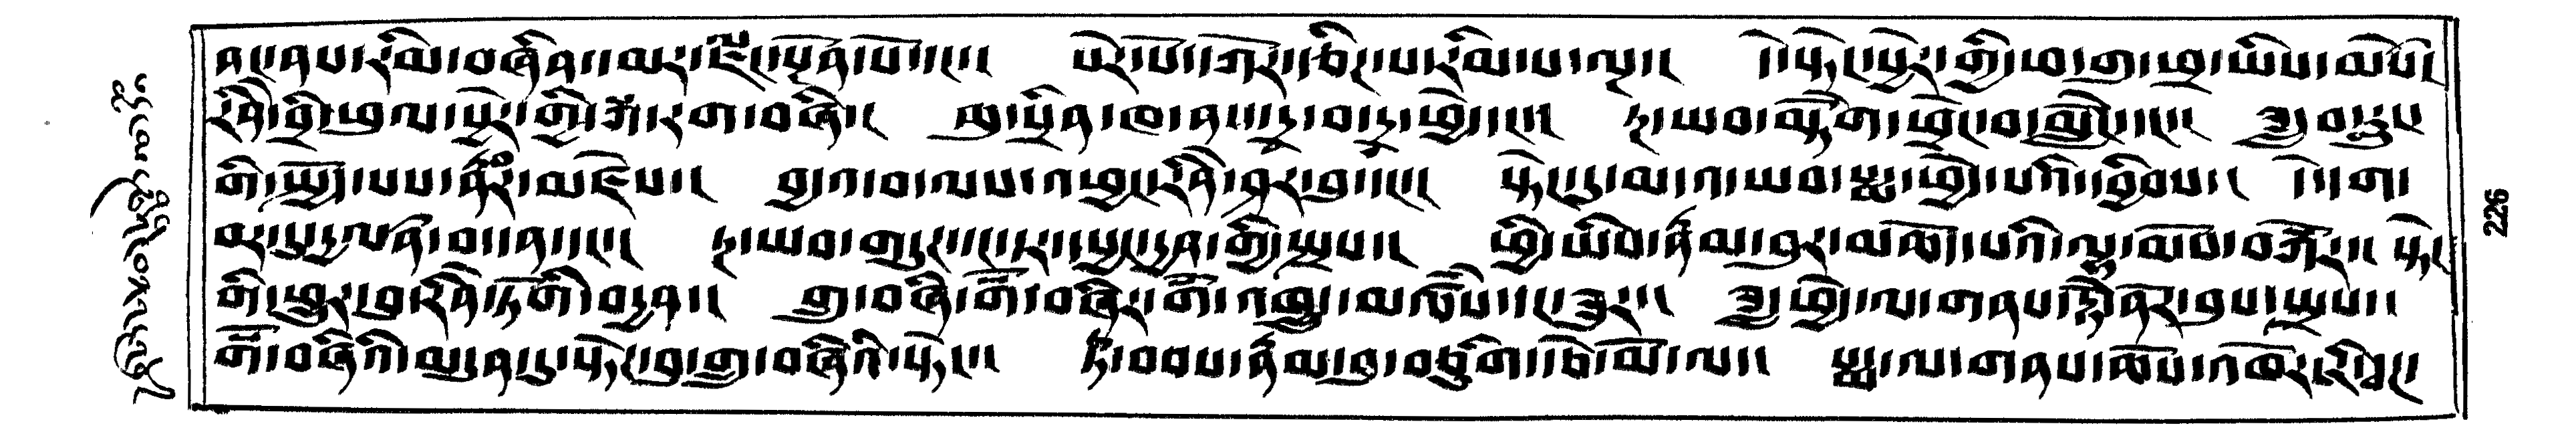ནང་ནས་རིམ་བཞིན་དམར་ལྗང་སྔོན་པོ་དང་། སེར་པོ་དཀར་པོ་རྩིགས་པ་རིམ་པ་ལྔ་། །དེ་སྟེང་གསེར་གྱི་ཕ་གུ་ཕྲ་ཡིས་མཛེས། །
རིན་ཆེན་བྲི་ཕུལ་གསེར་གྱི་སྐ་རག་བཞི། །ཆུ་སྲིན་ཁ་ནས་དྲྭ་བ་དྲྭ་ཕྱེད་དང་། །རྔ་ཡབ་མེ་ཏོག་ཕྲེང་བ་མེ་ལོང་དང་། །ཟླ་བ་རླུང་
གི་སྐྱོད་པས་རྣམ་པར་མཛེས། །བྱ་འདབ་ལས་འཕྱང་རིན་ཆེན་ཤར་བུ་དང་། སྟེང་དུ་མདའ་ཡབ་པདྨ་ཕྱེད་པའི་དབྱིབས། །དེ་དག་
བར་དུ་རྒྱལ་མཚན་བ་དན་དང་། །རྔ་ཡབ་གདུགས་དང་དར་དཔྱང་རྒྱན་གྱིས་སྤྲས། །ཕྱི་ཡིས་རྣམ་བུར་མཆོད་པའི་ལྷ་མོས་བསྐོར། །སྟེང་
གི་ཕྱུར་བུ་རིན་ཆེན་ཏོག་གི་བརྒྱན། །གྲུ་བཞི་སྒོ་བཞིར་སྒོ་འཁྱུད་མཚམས་དང་ཟུར། །ཟླ་ཕྱེད་ལ་གནས་རྡོ་རྗེ་ནོ་བུས་སྤྲས། །
སྒོ་བཞིའི་མདུན་དུ་སྟེགས་བུ་གྲུ་བཞིའི་སྟེང་། །རྟ་བབས་རྣམ་བུ་བཅུ་གཅིག་རྩེ་མོ་ལ། །པདྨ་ལ་གནས་ཆོས་འཁོར་རི་དྭགས་